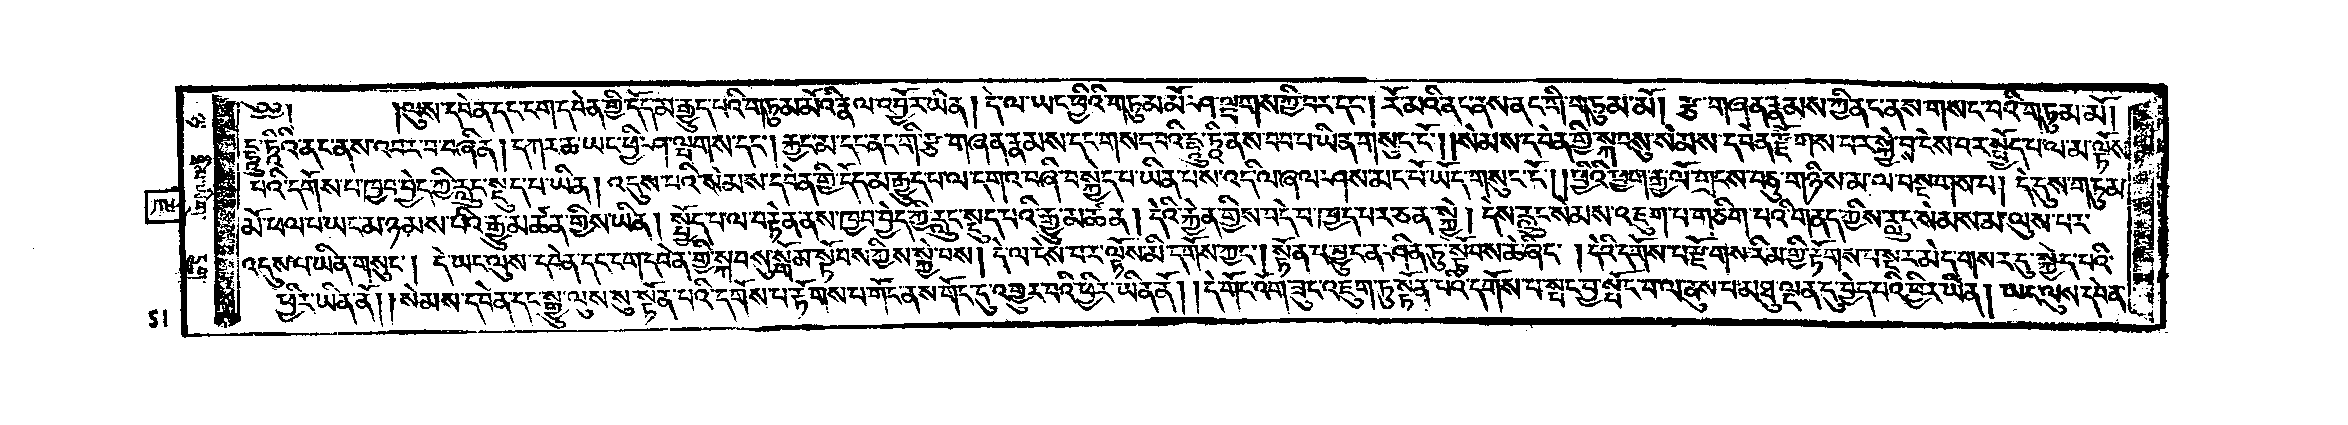༄༅། །ལུས་དབེན་དང་ངག་དབེན་གྱི་དོད་མ་རྒྱུད་པའི་གཏུམ་མོའི་རྣལ་འབྱོར་ཡིན། དེ་ལ་ཡང་ཕྱིའི་གཏུམ་མོ་ཤ་ལྤགས་ཀྱི་བར་དང་། རོ་མའི་ནང་ནས་ནང་གི་གཏུམ་མོ། རྩ་གཞན་རྣམས་ཀྱི་ནང་ནས་གསང་བའི་གཏུམ་མོ།
དྷཱུ་ཏཱིའི་ནང་ནས་འབར་བ་བཞིན། དཀར་ཆ་ཡང་ཕྱི་ཤ་ལྤགས་དང་། རྐྱང་མ་དང་ནང་གི་རྩ་གཞན་རྣམས་དང་གསང་བའི་དྷཱུ་ཏཱི་ནས་བབ་པ་ཡིན་གསུང་ངོ། །སེམས་དབེན་གྱི་སྐབས་སུ་སེམས་དབེན་རྫོགས་པར་སྐྱེ་བས་ངེས་པར་སྤྱོད་པ་ལ་མ་ལྟོས་
པའི་དགོས་པ་ཁྱབ་བྱེད་ཀྱི་རླུང་སྡུད་པ་ཡིན། འདུས་པའི་སེམས་དབེན་གྱི་དོད་མ་རྒྱུད་པ་ལ་དགའ་བཞི་བསྐྱེད་པ་ཡིན་པས་འདི་ལ་ཞལ་ཤས་མང་པོ་ཡོད་གསུང་ངོ། །ཕྱིའི་ཕྱག་རྒྱ་ལོ་གྲངས་བཅུ་གཉིས་མ་ལ་བསྔགས་པ། དེ་དུས་གཏུམ་
མོ་ཕལ་པ་ཡང་མ་ཉམས་པའི་རྒྱུ་མཚན་གྱིས་ཡིན། སྤྱོད་པ་ལ་བརྟེན་ནས་ཁྱབ་བྱེད་ཀྱི་རླུང་སྡུད་པའི་རྒྱུ་མཚན། དེའི་རྐྱེན་གྱིས་བདེ་བ་ཁྱད་པར་ཅན་སྐྱེ། དེས་རླུང་སེམས་འཇུག་པ་གཅིག་པའི་གནད་ཀྱིས་རླུང་སེམས་མ་ལུས་པར་
འདུས་པ་ཡིན་གསུང་། དེ་ཡང་ལུས་དབེན་དང་ངག་དབེན་གྱི་སྐབས་སུ་སྒོམ་སྟོབས་ཀྱིས་སྐྱེ་བས། དེ་ལ་ངེས་པར་ལྟོས་མི་དགོས་ཀྱང་། སྟོན་པ་བྱུང་ན་ཤིན་ཏུ་སྟོབས་ཆེ་ཞིང་། དེའི་དགོས་པ་རྫོགས་རིམ་གྱི་རྟོགས་པ་སྔར་མེད་གསར་དུ་སྐྱེད་པའི་
ཕྱིར་ཡིན་ནོ། །སེམས་དབེན་དང་སྒྱུ་ལུས་སུ་སྟོན་པའི་དགོས་པ་རྟོགས་པ་གོང་ནས་གོང་དུ་འགྱུར་བའི་ཕྱིར་ཡིན་ནོ། །དེ་གོང་འོག་ཟུང་འཇུག་ཏུ་སྟོན་པའི་དགོས་པ་སྤང་བྱ་སྤོང་བ་ལ་ནུས་པ་མཐུ་ལྡན་དུ་བྱེད་པའི་ཕྱིར་ཡིན། ཡང་ལུས་དབེན་